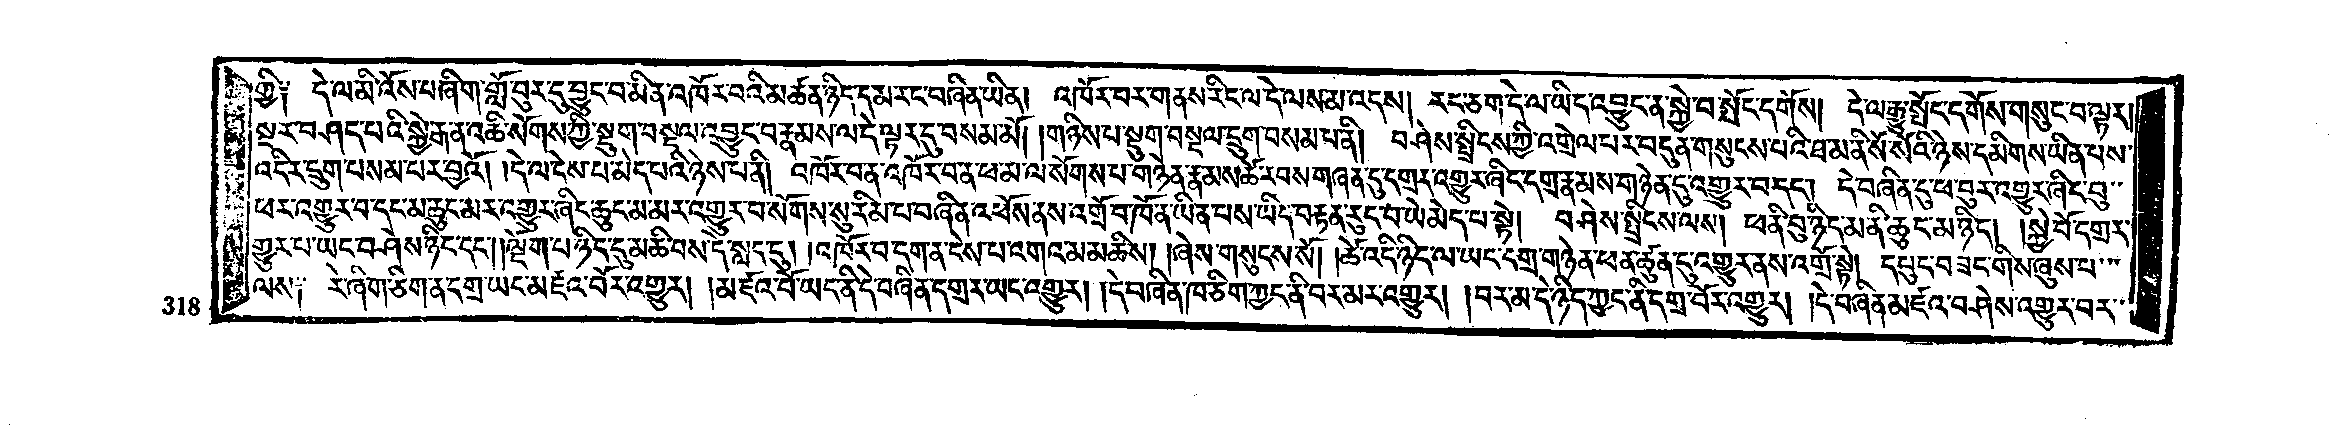གྱི༑ དེ་ལ་མི་འོས་པ་ཞིག་གློ་བུར་དུ་བྱུང་བ་མིན་འཁོར་བའི་མཚན་ཉིད་དམ་རང་བཞིན་ཡིན། འཁོར་བར་གནས་རིང་ལ་དེ་ལས་མ་འདས། རང་ཅག་དེ་ལ་ཡིད་འབྱུང་ན་སྐྱེ་བ་སྤོང་དགོས། དེ་ལ་རྒྱུ་སྤོང་དགོས་གསུང་བ་ལྟར་
སྔར་བཤད་པའི་སྐྱེ་རྒ་ན་འཆི་སོགས་ཀྱི་སྡུག་བསྔལ་འབྱུང་བ་རྣམས་ལ་དེ་ལྟར་དུ་བསམ་མོ། །གཉིས་པ་སྡུག་བསྔལ་དྲུག་བསམ་པ་ནི། བཤེས་སྤྲིངས་ཀྱི་འགྲེལ་པར་བདུན་གསུངས་པའི་ཐ་མ་ནི་སོ་སོའི་ཉེས་དམིགས་ཡིན་པས་
འདིར་དྲུག་བསམ་པར་བྱའོ། །དེ་ལ་ངེས་པ་མེད་པའི་ཉེས་པ་ནི། འཁོར་བ་ན་འཁོར་བ་ན་ཕ་མ་ལ་སོགས་པ་གཉེན་རྣམས་ཚེ་རབས་གཞན་དུ་དགྲར་འགྱུར་ཞིང་དགྲ་རྣམས་གཉེན་དུ་འགྱུར་བ་དང་། དེ་བཞིན་དུ་ཕ་བུར་འགྱུར་ཞིང་བུ་
ཕར་འགྱུར་བ་དང་མ་ཆུང་མར་འགྱུར་ཞིང་ཆུང་མ་མར་འགྱུར་བ་སོགས་སུ་རིམ་པ་བཞིན་འཕོས་ནས་འགྲོ་བ་ཁོ་ན་ཡིན་པས་ཡིད་བརྟན་རུང་བ་ཡེ་མེད་པ་སྟེ། བཤེས་སྤྲིངས་ལས། ཕ་ནི་བུ་ཉིད་མ་ནི་ཆུང་མ་ཉིད། །སྐྱེ་བོ་དགྲར་
གྱུར་པ་ཡང་བཤེས་ཉིད་དང་། །ལྡོག་པ་ཉིད་དུ་མཆི་བས་དེ་སླད་དུ། །འཁོར་བ་དག་ན་ངེས་པ་འགའ་མ་མཆིས། །ཞེས་གསུངས་སོ། །ཚེ་འདི་ཉིད་ལ་ཡང་དགྲ་མཉེན་ཕན་ཚུན་དུ་འགྱུར་ནས་འགྲོ་སྟེ། དཔུང་བཟང་གིས་ཞུས་པ་
ལས༑ རེ་ཞིག་ཅིག་ན་འགྲ་ཡང་མཛའ་བོར་འགྱུར། །མཛའ་བོ་ཡང་ནི་དེ་བཞིན་དགྲར་ཡང་འགྱུར། །དེ་བཞིན་ཁ་ཅིག་ཀྱང་ནི་བར་མར་འགྱུར། །བར་མ་དེ་ཉིད་ཀྱང་ནི་དགྲ་བོར་འགྱུར། །དེ་བཞིན་མཛའ་བཤེས་འགྱུར་བར་